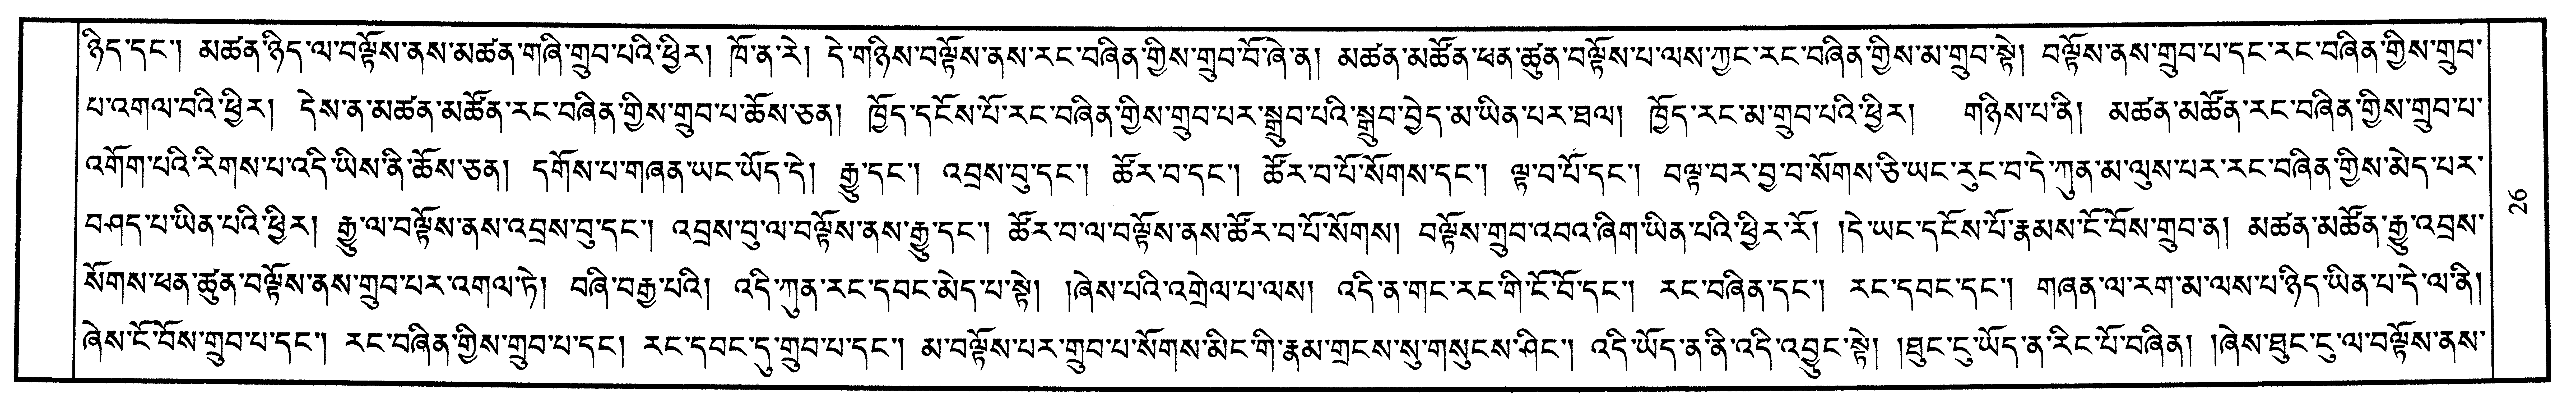ཉིད་དང་། མཚན་ཉིད་ལ་བལྟོས་ནས་མཚན་གཞི་གྲུབ་པའི་ཕྱིར། ཁོ་ན་རེ། དེ་གཉིས་བལྟོས་ནས་རང་བཞིན་གྱིས་གྲུབ་བོ་ཞེ་ན། མཚན་མཚོན་ཕན་ཚུན་བལྟོས་པ་ལས་ཀྱང་རང་བཞིན་གྱིས་མ་གྲུབ་སྟེ། བལྟོས་ནས་གྲུབ་པ་དང་རང་བཞིན་གྱིས་གྲུབ་
པ་འགལ་བའི་ཕྱིར། དེས་ན་མཚན་མཚོན་རང་བཞིན་གྱིས་གྲུབ་པ་ཆོས་ཅན། ཁྱོད་དངོས་པོ་རང་བཞིན་གྱིས་གྲུབ་པར་སྒྲུབ་པའི་སྒྲུབ་བྱེད་མ་ཡིན་པར་ཐལ། ཁྱོད་རང་མ་གྲུབ་པའི་ཕྱིར། གཉིས་པ་ནི། མཚན་མཚོན་རང་བཞིན་གྱིས་གྲུབ་པ་
འགོག་པའི་རིགས་པ་འདི་ཡིས་ནི་ཆོས་ཅན། དགོས་པ་གཞན་ཡང་ཡོད་དེ། རྒྱུ་དང་། འབྲས་བུ་དང་། ཚོར་བ་དང་། ཚོར་བ་པོ་སོགས་དང་། ལྟ་བ་པོ་དང་། བལྟ་བར་བྱ་བ་སོགས་ཅི་ཡང་རུང་བ་དེ་ཀུན་མ་ལུས་པར་རང་བཞིན་གྱིས་མེད་པར་
བཤད་པ་ཡིན་པའི་ཕྱིར། རྒྱུ་ལ་བལྟོས་ནས་འབྲས་བུ་དང་། འབྲས་བུ་ལ་བལྟོས་ནས་རྒྱུ་དང་། ཚོར་བ་ལ་བལྟོས་ནས་ཚོར་བ་པོ་སོགས། བལྟོས་གྲུབ་འབའ་ཞིག་ཡིན་པའི་ཕྱིར་རོ། །དེ་ཡང་དངོས་པོ་རྣམས་ངོ་བོས་གྲུབ་ན། མཚན་མཚོན་རྒྱུ་འབྲས་
སོགས་ཕན་ཚུན་བལྟོས་ནས་གྲུབ་པར་འགལ་ཏེ། བཞི་བརྒྱ་པའི། འདི་ཀུན་རང་དབང་མེད་པ་སྟེ། །ཞེས་པའི་འགྲེལ་པ་ལས། འདི་ན་གང་རང་གི་ངོ་བོ་དང་། རང་བཞིན་དང་། རང་དབང་དང་། གཞན་ལ་རག་མ་ལས་པ་ཉིད་ཡིན་པ་དེ་ལ་ནི།
ཞེས་ངོ་བོས་གྲུབ་པ་དང་། རང་བཞིན་གྱིས་གྲུབ་པ་དང་། རང་དབང་དུ་གྲུབ་པ་དང་། མ་བལྟོས་པར་གྲུབ་པ་སོགས་མིང་གི་རྣམ་གྲངས་སུ་གསུངས་ཤིང་། འདི་ཡོད་ན་ནི་འདི་འབྱུང་སྟེ། །ཐུང་ངུ་ཡོད་ན་རིང་པོ་བཞིན། །ཞེས་ཐུང་ངུ་ལ་བལྟོས་ནས་